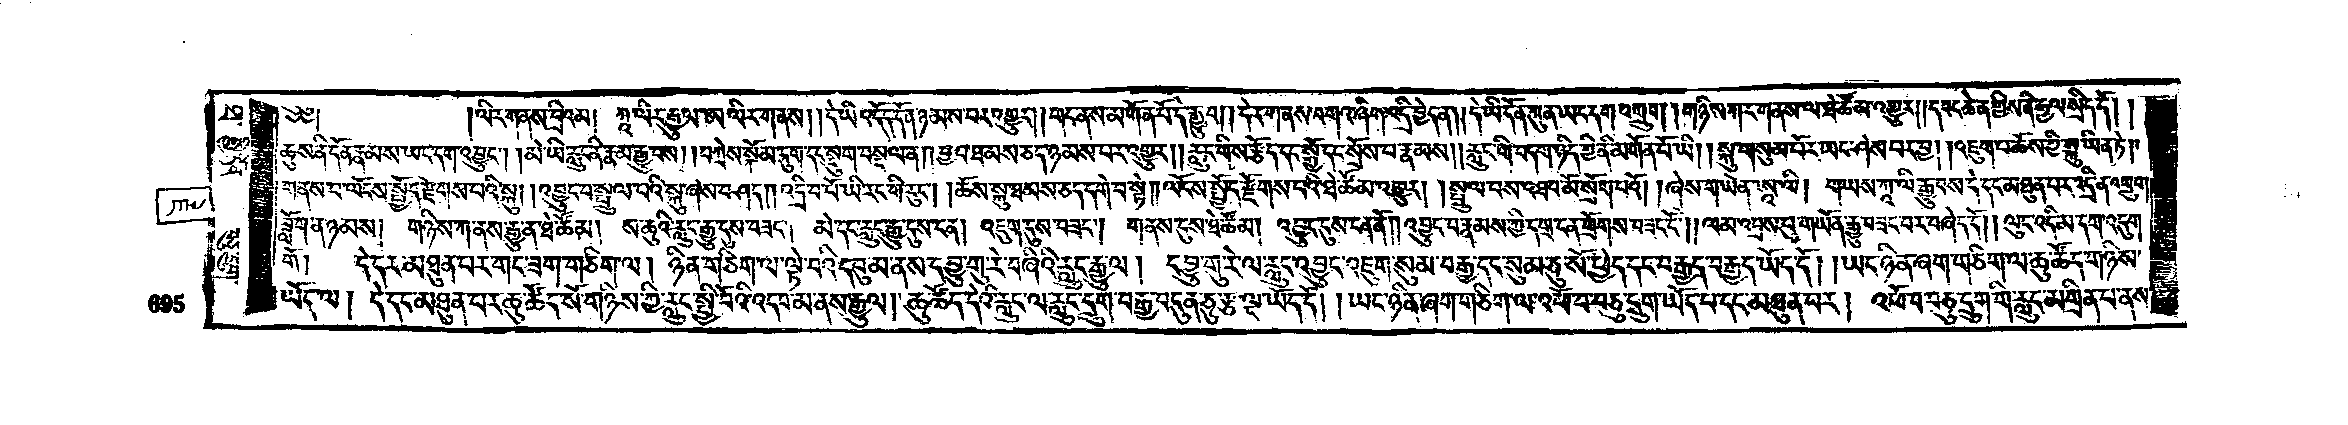༄༅། །ལིར་གནས་བྲིའམ། ཀཱ་ལིར་རྒྱུ་ལ་ཨ་ལིར་གནས། །དེ་ཡི་འདོད་དོན་ཉམས་པར་འགྱུར། །གང་ནས་མགོན་པོ་དེ་རྒྱུ་བ། །དེར་གནས་འགའ་ཞིག་འདྲི་བྱེད་ན། །དེ་ཡི་དོན་ཀུན་ཡང་དག་འགྲུབ། །གཉིས་ཀར་གནས་ལ་ཐེ་ཚོམ་འགྱུར། །དབང་ཆེན་གྱིས་ནི་རྒྱལ་སྲིད་དོ། །
ཆུས་ནི་དོན་རྣམས་ཡང་དག་འབྱུང་། །མེ་ཡི་རླུང་ནི་རྣམ་རྒྱུ་བས། །བཀྲེས་སྐོམ་དུག་དང་སྡུག་བསྔལ་ན། །བྱ་བ་ཐམས་ཅད་ཉམས་པར་འགྱུར། །རླུང་གིས་རྩེད་དང་སྐྱོ་དང་སྲེས་པ་རྣམས། །རླུང་གི་བདག་ཉིད་ཀྱི་ནི་མགོན་པོ་ཡི། །སྐུ་གསུམ་པོར་ཡང་ཤེས་པར་བྱ། །འཇུག་པ་ཆོས་ཀྱི་སྐུ་ཡིན་ཏེ། །
གནས་པ་ལོངས་སྤྱོད་རྫོགས་པའི་སྐུ། །འབྱུང་བ་སྤྲུལ་པའི་སྐུ་ཞེས་བཤད། །འདྲི་བ་པོ་ཡི་རང་གི་རུང་། །ཆོས་སྐུ་ཐམས་ཅད་དགེ་བ་སྟེ། །ལོངས་སྤྱོད་རྫོགས་པའི་ཐ་ཚོམ་འགྱུར། །སྤྲུལ་པས་འཐབ་མོ་སྲོག་པའོ། །ཞེས་གཡོན་ཨཱ་ལི། གཡས་ཀཱ་ལི་རྒྱུ་བས་དེ་དང་མཐུན་པར་འདྲིན་འགྲུག་
ཟློག་ན་ཉམས། གཉིས་ཀ་ནས་རྒྱུ་ན་ཐེ་ཚོམ། ས་ཆུའི་རླུང་རྒྱུ་དུས་བཟང་། མེ་དང་རླུང་རྒྱུ་དུས་ངན། འཇུག་དུས་བཟང་། གནས་དུས་ཐེ་ཚམ། འབྱུང་དུས་ངན་ནོ། །འབྱུང་བ་རྣམས་ཀྱི་དགྲ་ངན་གྲོགས་བཟང་ངོ། །ལམ་འབྲས་བུ་གཡོན་རྒྱུ་བཟང་བར་བཞེད་དོ། །ལུང་འདི་མ་དག་འདུག་
གོ། དེ་དང་མཐུན་པར་གང་ཟག་གཅིག་ལ། ཉིན་གཅིག་ལ་ལྟེ་བའི་དབུ་མ་ནས་དབྱུ་གུ་རེ་བཞིའི་རླུང་རྒྱུ་ལ། དབྱུ་གུ་རེ་ལ་རླུང་འབྱུང་འཇུག་སུམ་བརྒྱ་དང་སུམ་ཅུ་སོ་ཕྱེད་དང་བརྒྱད་བརྒྱད་ཡོད་དོ། །ཡང་ཉིན་ཞག་གཅིག་ལ་ཆུ་ཚོད་གཉིས་
ཡོད་ལ། དེ་དང་མཐུན་པར་ཆུ་ཚོད་སོ་གཉིས་ཀྱི་རླུང་སྤྱི་བོའི་འདབ་མ་ནས་རྒྱུལ། །ཆུ་ཚོད་དེའི་རླུང་ལ་རླུང་དྲུག་བརྒྱ་བདུན་ཅུ་རྩ་ལྔ་ཡོད་དེ། །ཡང་ཉིན་ཞག་གཅིག་ལ་འཕོ་བ་བཅུ་དྲུག་ཡོད་པ་དང་མཐུན་པར། འཕོ་བ་བཅུ་དྲུག་གི་རླུང་མགྲིན་པ་ནས་